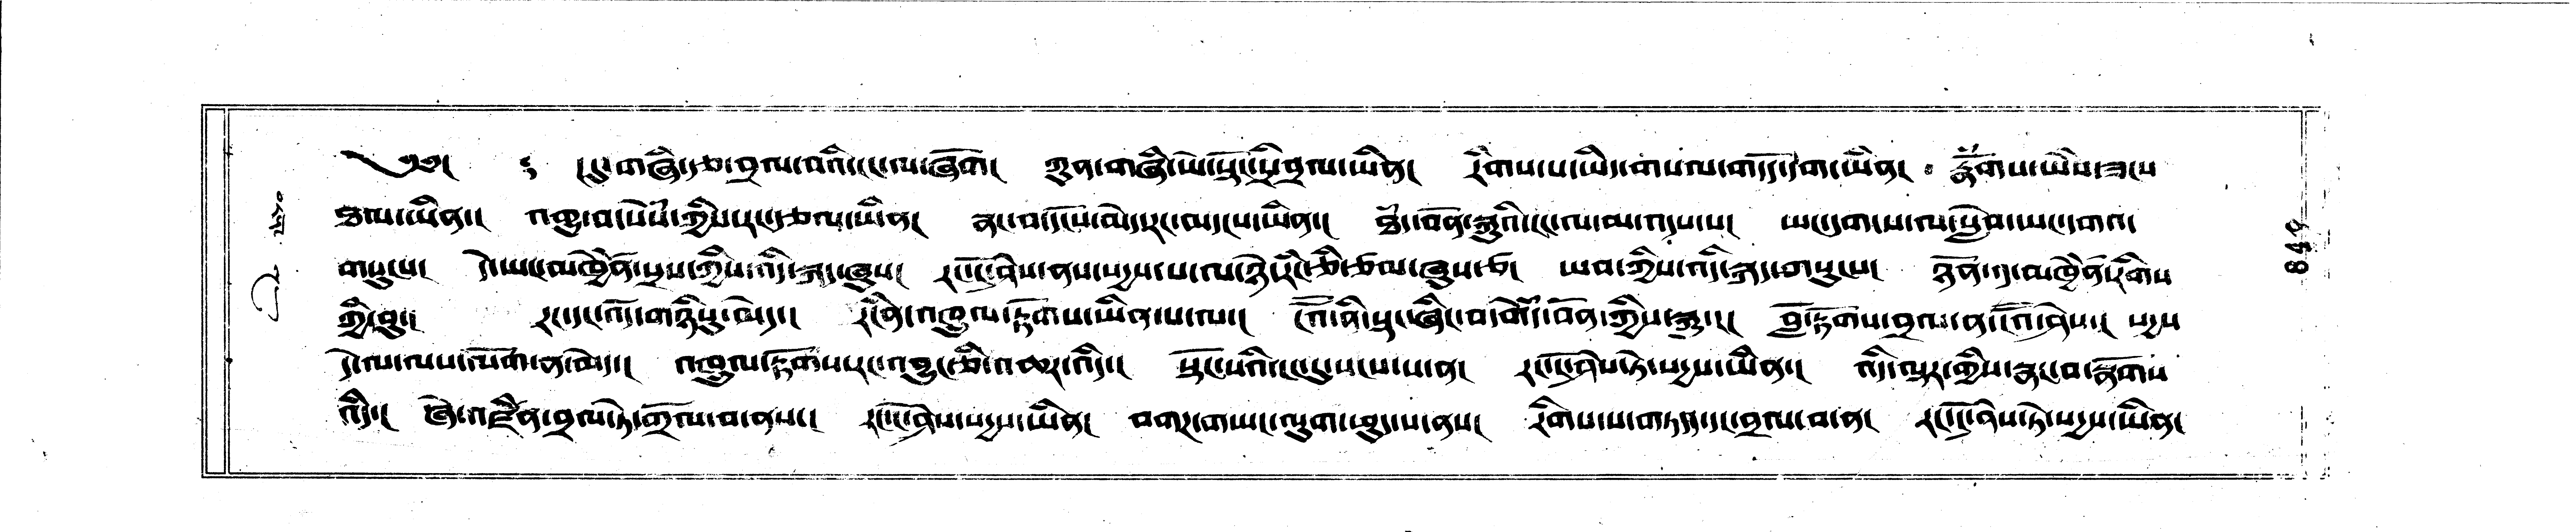དུ་གཞི་རྩ་བྲལ་བའི་ངང་ལ་ཞོག །ཀུན་གཞི་ཡེ་སྟོང་དྲི་བྲལ་ཡིན། །རིག་པ་ཡིད་གསལ་གདོད་དག་ཡིན། །རྣམ་རྟོག་ཡེ་ཤེས་ཟང་
ཐལ་ཡིན། །འགྱུ་བ་སེམས་ཀྱི་རང་རྩལ་ཡིན། །སྣང་བ་དངོས་མེད་རང་མདངས་ཡིན། །ཐམས་ཅད་བོན་སྐུའི་ངང་ལ་མ་འདས་པ། །ཡང་དག་ས་ལ་བསླེབས་ཡང་དགའ་
གསུངས། །དེ་ཡང་མཁྱེན་བརྩེ་སྲས་ཀྱིས་འདི་སྐད་ཞུས། རང་ངོ་ཤེས་ནས་སངས་རྒྱས་པ་ལ་ཉེ་རིང་ཅི་ཙམ་ཞུས་ཙ། ཡབ་ཀྱིས་འདི་སྐད་གསུངས། ཉོན་ཅིག་མཁྱེན་བརྩེ་རིགས་
ཀྱི་བུ། །རང་དང་འོད་གཉིས་སུ་མེད། །རང་བཞིན་འཁྲུལ་རྟོག་ཡིན་པ་ལ། །ངོའོ་ནི་སྟོང་ཞིང་བདག་མེད་བོན་གྱི་སྐུ། །བློ་རྟོག་བྲལ་ན་ངོའོ་ཤེས། །སངས་རྒྱས་
དེ་ལ་ལས་ལོག་ན་མེད། །འཁྲུལ་རྟོག་རང་འབྱུང་ཅི་འཆར་འདི། །སྟོང་པའི་ངང་དུ་སངས་པ་ན། །རང་ངོ་ཤེས་ཏེ་སངས་རྒྱས་ཡིན། །འདི་ལྟར་གྱིས་སྣང་བ་སྣ་ཚོགས་
འདི། །ཞེ་འཛིན་བྲལ་ཏེ་གྲོལ་བ་ནས། །རང་ངོ་ཤེས་༼ན་༽སངས་རྒྱས་ཡིན། །བག་ཆགས་གཡང་ལུག་ཕུད་པ་ནས། །རིག་པ་གཏད་དང་བྲལ་བ་ན། །རང་ངོ་ཤེས་ཏེ་སངས་རྒྱས་ཡིན་